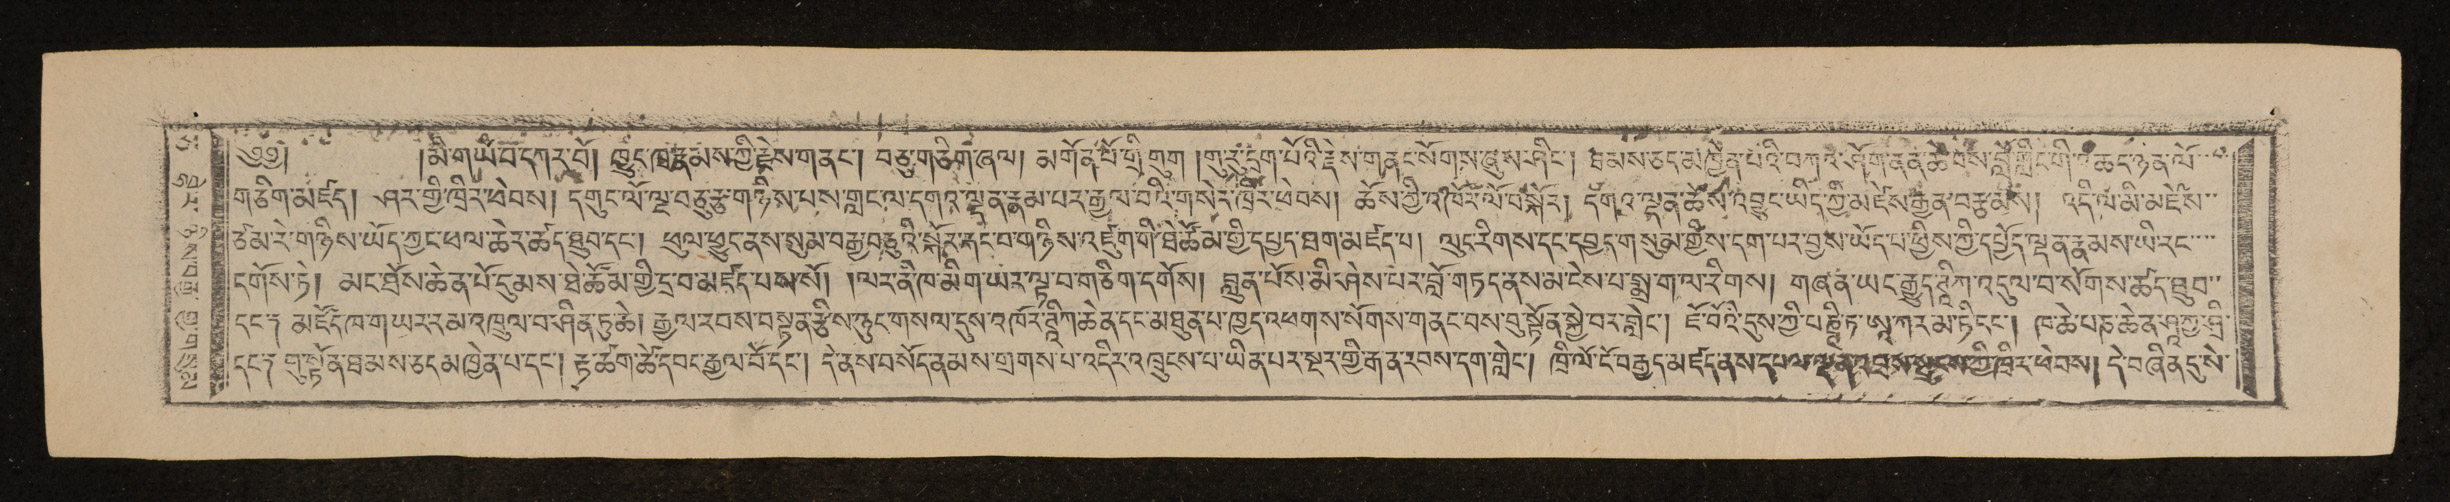༄༅། །མི་གཡོ་བ་དཀར་པོ། ཁྱུང་ཁྲ་རྣམས་ཀྱི་རྗེས་གནང་། བཅུ་གཅིག་ཞལ། མགོན་པོ་གྲི་གུག །གུ་རུ་དྲག་པོའི་རྗེས་གནང་སོགས་ཞུས་ཤིང་། ཐམས་ཅད་མཁྱེན་པའི་བཀའ་ཤོག་ནན་ཆེ་བས་བློ་གླིང་གི་འཆད་ཉན་ལོ་
གཅིག་མཛད། ཤར་གྱི་ཁྲིར་ཕེབས། དགུང་ལོ་ལྔ་བཅུ་རྩ་གཉིས་པ་ས་གླང་ལ་དགའ་ལྡན་རྣམ་པར་རྒྱལ་བའི་གསེར་ཁྲིར་ཕེབས། ཆོས་ཀྱི་འཁོར་ལོ་བསྐོར། དགའ་ལྡན་ཆོས་འབྱུང་ཡིད་ཀྱི་མཛེས་རྒྱན་བརྩམས། འདི་ལ་མི་མཛེས་
ཙམ་རེ་གཉིས་ཡོད་ཀྱང་ཕལ་ཆེར་ཚད་ཐུབ་དང་། ཕུལ་ཕྱུང་ནས་སུམ་རྒྱ་བཅུའི་སྐོར་རྐང་པ་གཉིས་འཛུག་གི་ཐེ་ཚོམ་གྱི་དབྱད་ཐག་མཛད་པ། ལུང་རིགས་དང་དཔྱད་གསུམ་གྱིས་དག་པར་བྱས་ཡོད་པ་ཕྱིས་ཀྱི་དཔྱོད་ལྡན་རྣམས་ཡི་རང་
དགོས་ཏེ། མང་ཐོས་ཆེན་པོ་དུ་མས་ཐེ་ཚོམ་གྱི་དྲ་བ་མཛད་བས་སོ། །ལར་ནི་ཁ་མིག་ཡར་ལྟ་བ་གཅིག་དགོས། བླུན་པོས་མི་ཤེས་པར་བློ་གཏད་ནས་མ་ངེས་པ་སྨྲ་ག་ལ་རིགས། གཞན་ཡང་རྒྱུད་ཊཱིཀ་འདུལ་བ་སོགས་ཚད་ཐུབ་
དང༑ མཛོད་ཁ་གཡར་རམ་འཁྲུལ་བ་ཤིན་ཏུ་ཆེ། རྒྱལ་རབས་བསྟན་རྩིས་ཉུང་གསལ་དུས་འཁོར་ཊཱིཀ་ཆེན་དང་མཐུན་པ་ཁྱད་འཕགས་སོགས་གནང་བས་བུ་སྟོན་སྐྱེ་བར་གླེང་། ཇོ་བོའི་དུས་ཀྱི་པཎྜི་ཏ་ཨཱ་ཀ་ར་མ་ཏི་དང་། ཁ་ཆེ་པཎ་ཆེན་ཤཱཀྱ་ཤྲི་
དང༑ བུ་སྟོན་ཐམས་ཅད་མཁྱེན་པ་དང་། རྟ་ཚག་ཚེ་དབང་རྒྱལ་པོ་དང་། དེ་ནས་བསོད་ནམས་གྲགས་པ་འདིར་འཁྲུངས་པ་ཡིན་པར་སྔར་གྱི་རྒན་རབས་དག་གླེང་། ཁྲི་ལོ་ངོ་བརྒྱད་མཛད་ནས་དཔལ་ལྡན་འབྲས་སྲུངས་ཀྱི་ཁྲིར་ཕེབས། དེ་བཞིན་དུ་སེ་